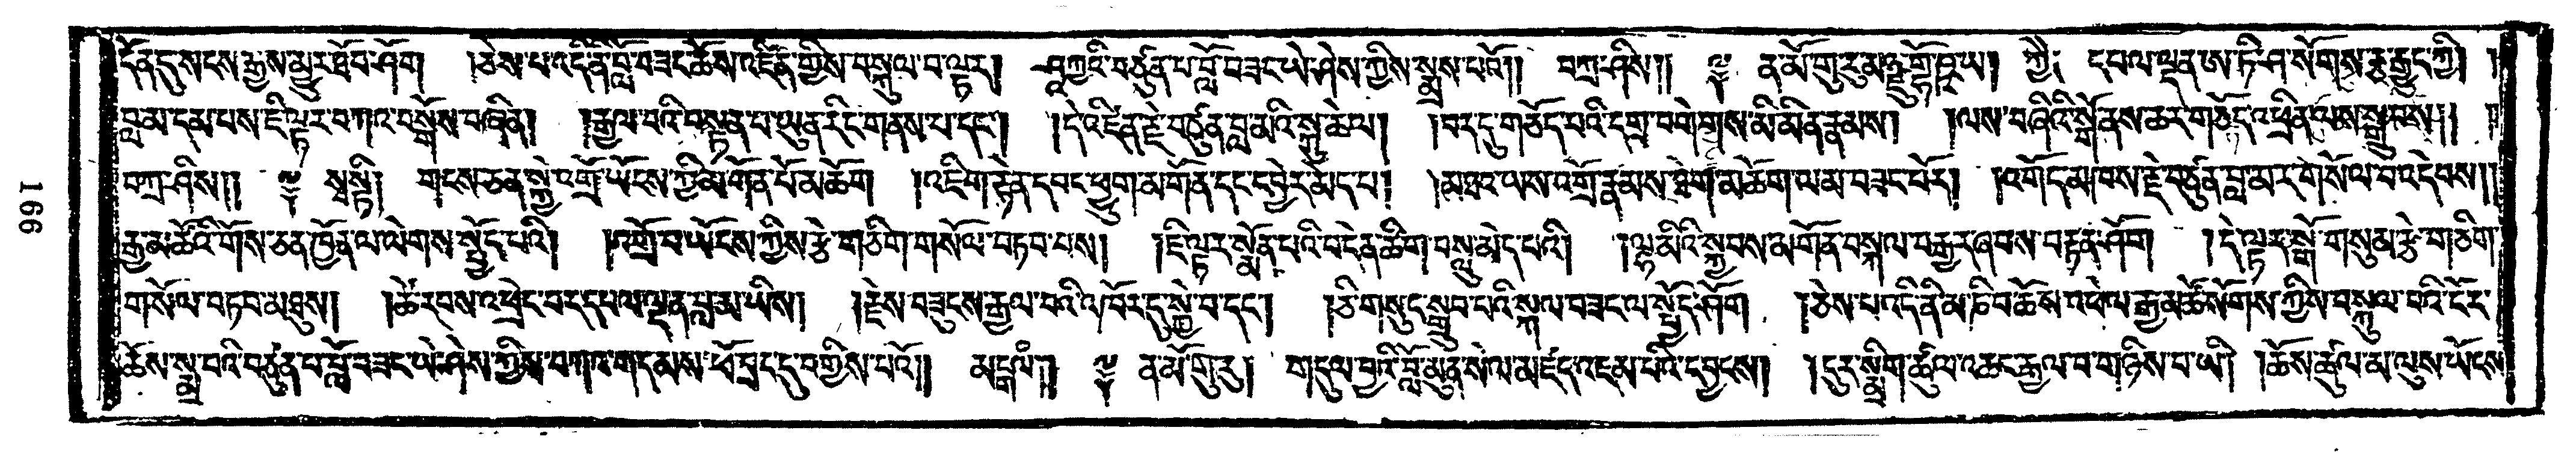དོན་དུ་སངས་རྒྱས་མྱུར་ཐོག་ཤོག །ཅེས་པ་འདི་ནི་བློ་བཟང་ཆོས་འཛིན་གྱིས་བསྐུལ་བ་ལྟར། ཤཱཀྱའི་བཙུན་པ་བློ་བཟང་ཡེ་ཤེས་ཀྱིས་སྨྲས་པའོ།། བཀྲ་ཤིས།། ༈ན་མོ་གུ་རུ་མཉྫུ་གྷོ་ཥཱ་ཡ། །ཀྱཻ༑ དཔལ་ལྡན་ཨ་ཏི་ཤ་སོགས་རྩ་རྒྱུད་ཀྱི། །
བླ་མ་དམ་པས་ཇི་ལྟར་བཀའ་བསྒོས་བཞིན། །རྒྱལ་བའི་བསྟན་པ་ཡུན་རིང་གནས་པ་དང་། །དེ་འཛིན་རྗེ་བཙུན་བླ་མའི་སྐུ་ཆེ་ལ། །བར་དུ་གཅོད་པའི་དགྲ་བགེགས་མི་མིན་རྣམས། །ལས་བཞིའི་སྒོ་ནས་ཆར་གཅོད་འཕྲིན་ལས་སྒྲུབས།། །།
བཀྲ་ཤིས།། ༈ སྭསྟི། གངས་ཅན་སྐྱེ་འགྲོ་ཡོངས་ཀྱི་མགོན་པོ་མཆོག །འཇིག་རྟེན་དབང་ཕྱུག་མགོན་དང་དབྱེར་མེད་པ། །མཐའ་ཡས་འགྲོ་རྣམས་ཐེག་མཆོག་ལམ་བཟང་པོར། །འགོད་མཁས་རྗེ་བཙུན་བླ་མར་གསོལ་བ་འདེབས། །
རྒྱ་མཚོའི་གོས་ཅན་ཁྱོན་ལ་ལེགས་སྦྱོད་པའི། །འགྲོ་བ་ཡོངས་ཀྱིས་རྩེ་གཅིག་གསོལ་བཏབ་པས། །ཇི་ལྟར་སྨོན་པའི་བདེན་ཚིག་བསླུ་མེད་པའི། །ལྷ་མིའི་སྐྱབས་མགོན་བསྐལ་བརྒྱར་ཞབས་བརྟན་ཤོག །དེ་ལྟར་སྒོ་གསུམ་རྩེ་གཅིག་
གསོལ་བཏབ་མཐུས། །ཚེ་རབས་འཕྲེང་བར་དཔལ་ལྡན་བླ་མ་ཡིས། །རྗེས་བཟུངས་རྒྱལ་བའི་འཁོར་དུ་སྐྱེ་བ་དང་། །ཅི་གསུང་སྒྲུབ་པའི་སྐལ་བཟང་ལ་སྤྱོད་ཤོག །ཅེས་པ་འདི་ནི་མ་ཎི་བ་ཆོས་འཕེལ་རྒྱ་མཚོ་སོགས་ཀྱིས་བསྐུལ་བའི་ངོར་
ཆོས་སྨྲ་བའི་བཙུན་པ་བློ་བཟང་ཡེ་ཤེས་ཀྱིས་བཀའ་གདམས་ཕོ་བྲང་དུ་བགྱིས་པའོ།། མངྒལཾ།། ༈ ན་མོ་གུ་རུ། གདུལ་བྱའི་བློ་མུན་སེལ་མཛད་འཇམ་པའི་དབྱངས། །དུར་སྨྲིག་ཚུལ་འཆང་རྒྱལ་བ་གཉིས་པ་ཡི། །ཆོས་ཚུལ་མ་ལུས་ཡོངས་